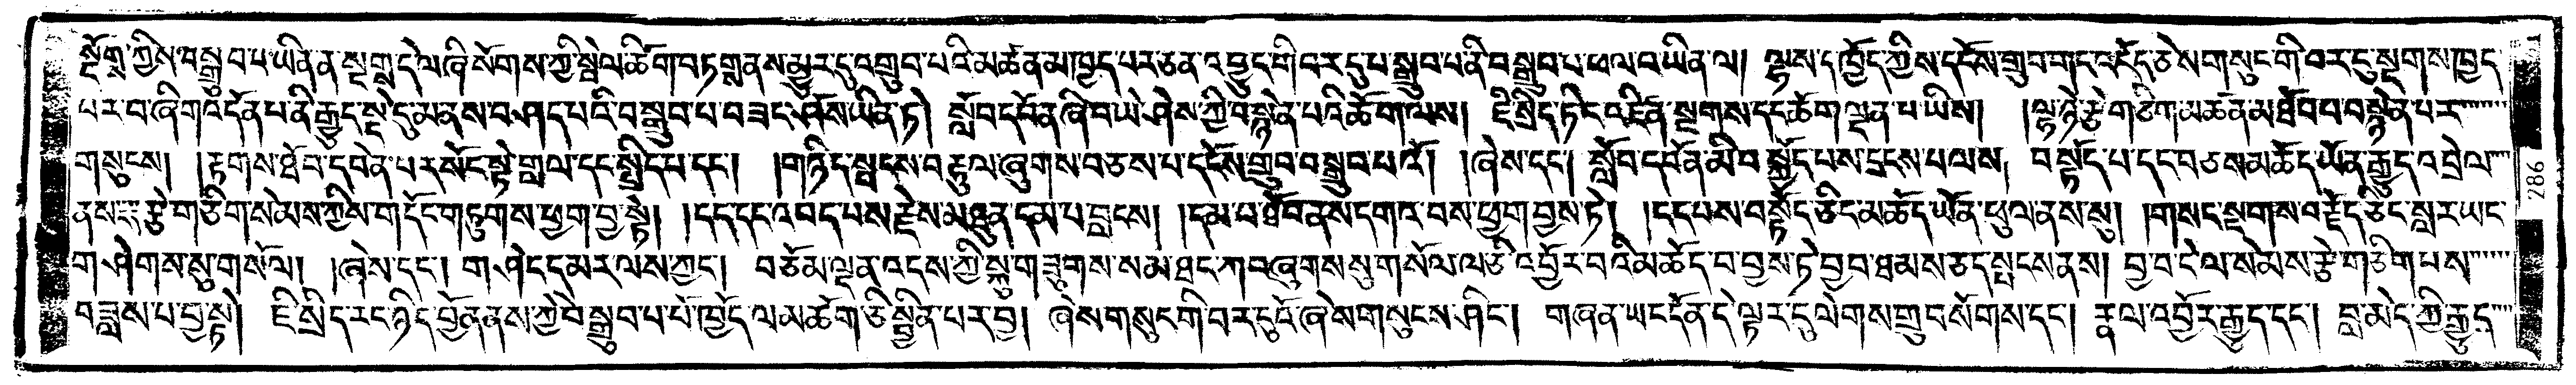སྔོགས་ཀྱིས་བསྒྲུབ་པ་ཡིན་ན་སྔགས་དེ་ལ་ཞི་སོགས་ཀྱི་སྤེལ་ཚིག་བཏགས་ནས་མྱུར་དུ་འགྲུབ་པའི་མཚན་མ་ཁྱད་པར་ཅན་འབྱུང་གི་བར་དུ་པ་སྒྲུབ་པ་ནི་བསྒྲུབ་པ་ཕལ་བ་ཡིན་ལ། ལྷས་ད་ཁྱོད་ཀྱིས་དངོས་གྲུབ་གང་འདོད་ཅེས་གསུང་གི་བར་དུ་སྔགས་ཁྱད་
པར་བ་ཞིག་འདོན་པ་ནི་རྒྱུད་སྡེ་དུ་མ་ནས་བཤད་པའི་བསྒྲུབ་པ་བཟང་ཤོས་ཡིན་ཏེ། སློབ་དཔོན་ཞི་བ་ཡེ་ཤེས་ཀྱི་བསྙེན་པའི་ཆོ་ག་ལས། ཇི་སྲིད་ཏིང་འཛིན་སྔགས་དང་ཆོག་ལྡན་པ་ཡིས། །ལྷ་ཉེ་རྩེ་གཅིག་མཚན་མཐོབ་པ་བསྙེན་པར་
གསུངས། །རྟགས་ཐོབ་དབེན་པར་སོང་སྟེ་གླལ་དང་སྤྲིད་པ་དང་། །གཉིད་སྤངས་བརྟུལ་ཞུགས་བཅས་པ་དངོས་གྲུབ་བསྒྲུབ་པའོ། །ཞེས་དང་། སློབ་དཔོན་མི་བསྐྱོད་པས་དྲངས་པ་ལས། བསྟོད་པ་དང་བཅས་མཆོད་ཡོན་རྒྱུད་འབྲེལ་
ནས༑ ༑རྩེ་གཅིག་སེམས་ཀྱིས་གདོང་གཏུགས་ཕྱག་བྱ་སྟེ། །དད་དང་འབད་པས་རྗེས་མཐུན་དམ་པ་བླངས། །དམ་པ་ཐོབ་ནས་དགའ་བས་ཕྱག་བྱས་ཏེ། །དད་པས་བསྟོད་ཅིང་མཆོད་ཡོན་ཕུལ་ནས་སུ། །གསང་སྔགས་བརྗོད་ཅིང་སླར་ཡང་
གཤེགས་སུ་གསོལ། །ཞེས་དང་། གཤེད་དམར་ལས་ཀྱང་། བཅོམ་ལྡན་འདས་ཀྱི་སྐུ་གཟུགས་ས་མཐང་ཀ་བཞུགས་སུ་གསོལ་ལ་ཅི་འབྱོར་བའི་མཆོད་པ་བྱས་ཏེ་བྱ་བ་ཐམས་ཅད་སྤངས་ནས། བྱ་བ་དེ་ལ་སེམས་རྩེ་གཅིག་པས་
བཟླས་པ་བྱ་སྟེ། ཇི་སྲིད་རང་ཉིད་བྱོན་ནས་ཀྱཻ་བསྒྲུབ་པ་པོ་ཁྱོད་ལ་མཆོག་ཅི་སྦྱིན་པར་བྱ། ཞེས་གསུང་གི་བར་དུའོ་ཞེས་གསུངས་ཤིང་། གཞན་ཡང་དོན་དེ་ལྟར་དུ་ལེགས་གྲུབ་སོགས་དང་། རྣལ་འབྱོར་རྒྱུད་དང་། བླ་མེད་ཀྱི་རྒྱུད་